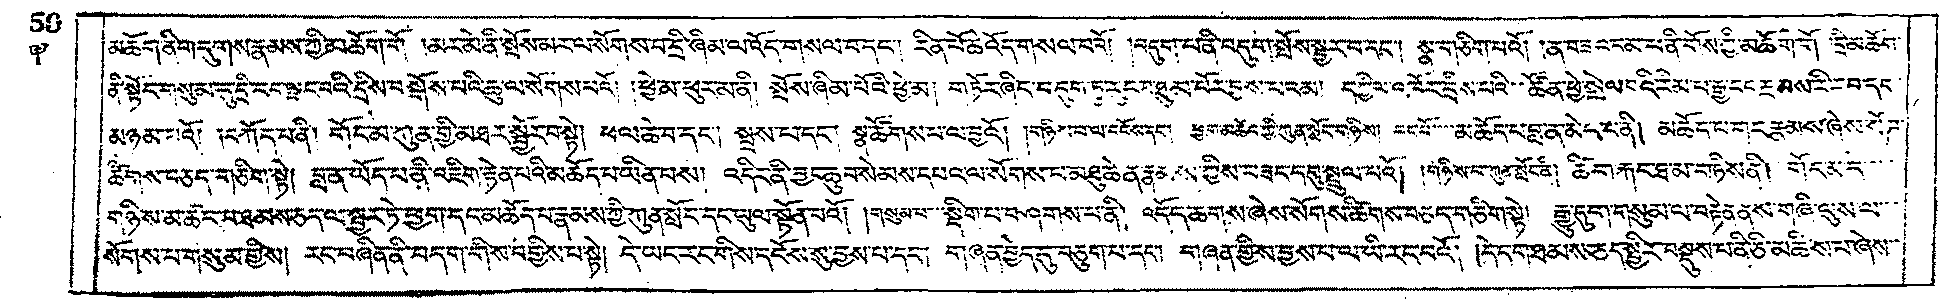མཆོག་ནི་གདུགས་རྣམས་ཀྱི་མཆོག་གོ། །མར་མེ་ནི་སྤོས་མར་ལ་སོགས་པ་དྲི་ཞིམ་ལ་འོད་གསལ་བ་དང་། རིན་པོ་ཆེ་འོད་གསལ་བའོ། །བདུག་པ་ནི་བདུག་སྤོས་སྦྱར་བ་དང་། སྣ་གཅིག་པའོ། །ན་བཟའ་དམ་པ་ནི་གོས་ཀྱི་མཆོག་གོ། །དྲི་མཆོག་
ནི་སྟོང་གསུམ་དུ་དྲི་ངང་ལྡང་བའི་དྲིས་བསྒོས་པའི་ཆུ་ལ་སོགས་པའོ། །ཕྱེ་མ་ཕུར་མ་ནི། སྤོས་ཞིམ་པོའི་ཕྱེ་མ། གཏོར་ཞིང་བདུག་ཏུ་རུང་བ་ཐུམ་པོར་བྱས་པའམ། དཀྱིལ་འཁོར་བྲིས་པའིཚོན་ཕྱེ་སྤེལ་བའི་རིམ་པ་རྒྱ་ངང་རྔམས་རི་རབ་དང་
མཉམ་པའོ། །བཀོད་པ་ནི། གོང་མ་ཀུན་གྱི་མཐར་སྦྱོར་པ་སྟེ། ཕལ་ཆེ་བ་དང་། སྤྲས་པ་དང་། སྣ་ཚོགས་པ་ལ་བྱའོ། ། གཉིས་པ་ལ་དངོས་དང་། ཕྱག་མཆོད་ཀྱི་ཀུན་སློང་གཉིས། དང་པོམཆོད་པ་བླ་ན་མེད་པ་ནི། མཆོད་པ་གང་རྣམས་ཞེས་སོཌ་
ཚིགས་བཅད་གཅིག་སྟེ། བླ་ན་ཡོད་པ་ནི་འཇིག་རྟེན་པའི་མཆོད་པ་ཡིན་པས། འདིར་ནི་བྱང་ཆུབ་སེམས་དཔའ་ལ་སོགས་པ་མཐུ་ཆེན་རྣམས་ཀྱིས་བཟང་དགུ་སྤྲུལ་པའོ། ། གཉིས་པ་ཀུན་སློང་ནི། ཚིག་རྐང་ཐ་མ་གཉིས་ནི། གོང་མ་དེ་
གཉིས་མ་ཚང་བ་ཐམས་ཅད་ལ་སྦྱར་ཏེ་ཕྱག་དང་མཆོད་པ་རྣམས་ཀྱི་ཀུན་སློང་དང་ཡུལ་སྟོན་པའོ། ། གསུམ་པསྡིག་པ་བཤགས་པ་ནི། འདོད་ཆགས་ཞེས་སོགས་ཚིགས་བཅད་གཅིག་སྟེ། རྒྱུ་དུག་གསུམ་ལ་བརྟེན་ནས་གཞི་ལུས་ལ་
སོགས་པ་གསུམ་གྱིས། རང་བཞིན་ནི་བདག་གིས་བགྱིས་པ་སྟེ། དེ་ཡང་རང་གིས་དངོས་སུ་བྱས་པ་དང་། གཞན་བྱེད་དུ་བཅུག་པ་དང་། གཞན་གྱིས་བྱས་པ་ལ་ཡི་རང་བའོ། །དེ་དག་ཐམས་ཅད་སྤྱིར་བསྡུས་པ་ནི་ཅི་མཆིས་པ་ཞེས་